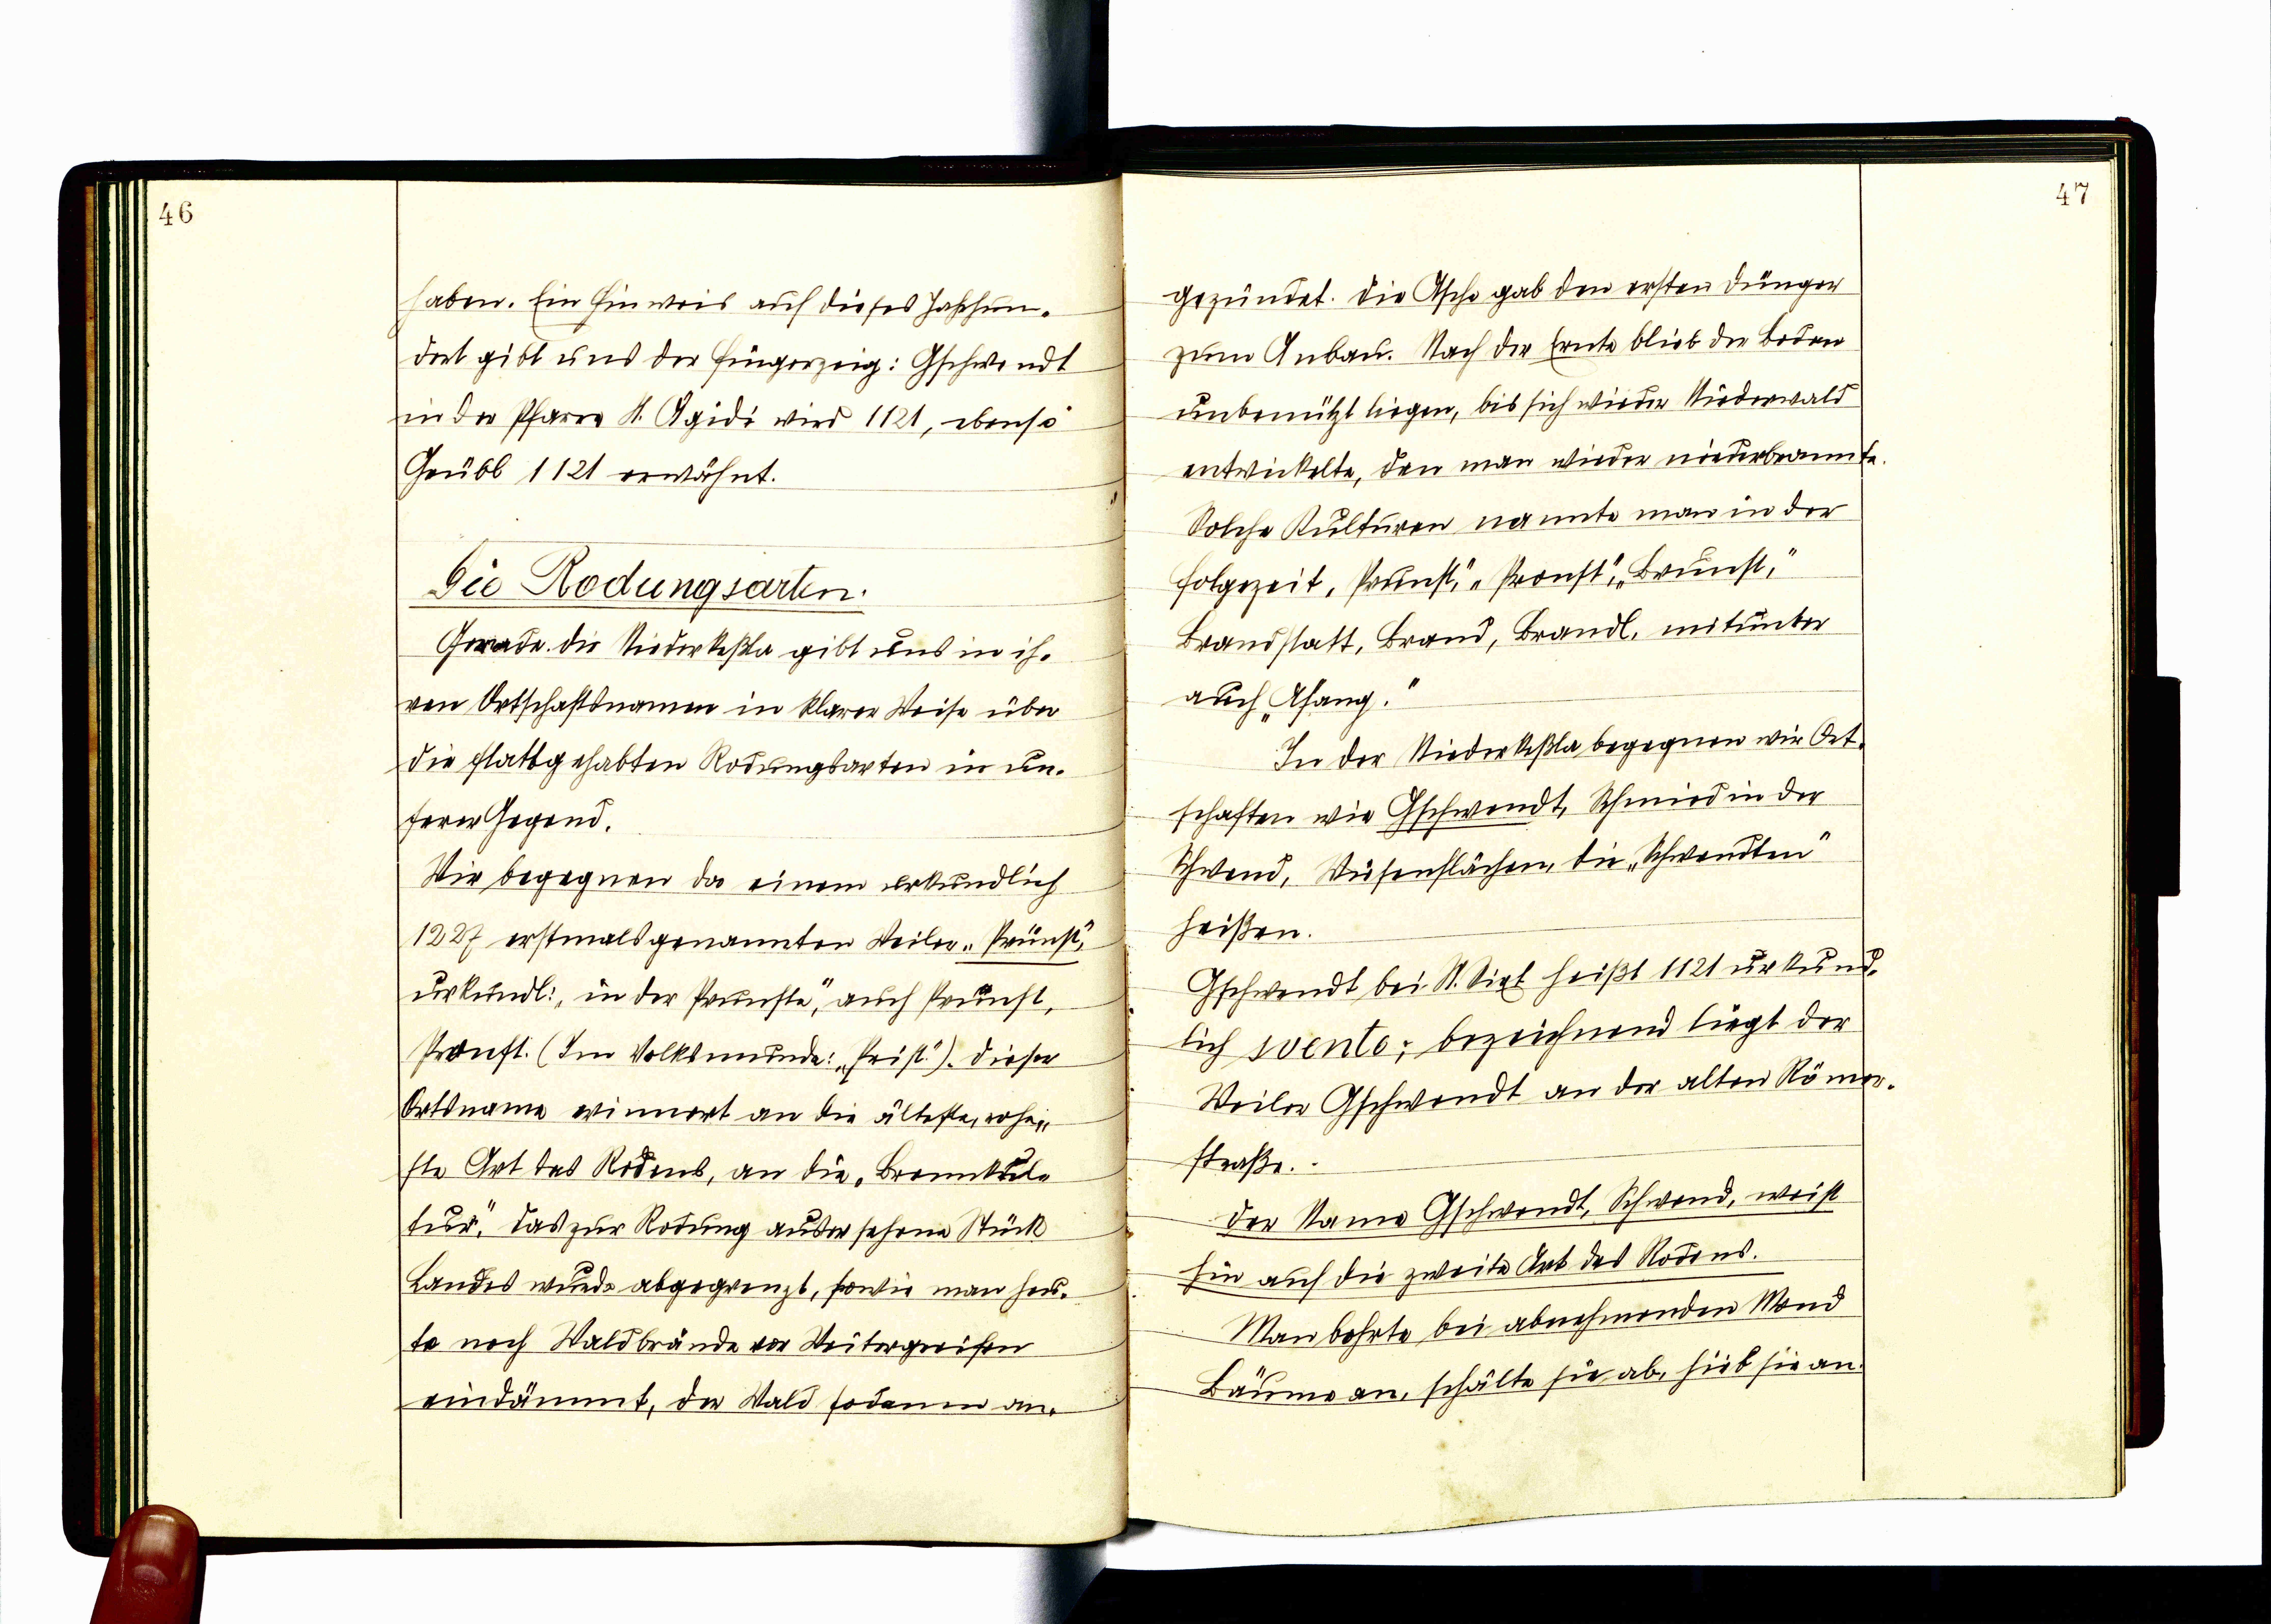haben. Ein Hinweis auf dieses Jahrhun.
dort gibt uns der Fingerzeig: Gschwendt
in der Pfarre St, Agidi wird 1121, ebenso
Grübl 1121 erwähnt.
Die Rodungsarten:
Gerade die Niederkeßla gibt uns in ih-
ren Ortschaftsnamen in klarer Weise über
die sattgehabten Rodungsarten in un-
serer Gegend.
Wir begegnen da einem urkundlich
1227 erstmals genannten Weiler "Prünst,"
urkundl: "in der Prunste", auch Ptunst,
Ptonst. (Im Volksmunde: "Prist"). Dieser
Ortsnameerinnert an die älteste rohe-
ste Art des Rodens, an die "Branndkul-
tur", das zur Rodung außersehene Stück
Landes wurde abgegrenzt, sowie man heu-
te noch Waldbrände vor Weitergreifen
eindämmt, der Wald sodann an-
gezündet. Die Asche gab den ersten Dünger
zum Anbau. Nach der Ernte blieb der Boden
unbenützt liegen, bis sich wieder Niederwald
entwickelte, den man wieder niederbrannte.
Solche Kulturen nannte man in der
Folgezeit "Prunst", "Pronst", "Brunst",
Brandstatt, Brand, Brandl, mitunter
auch "Afang".
In der Niederkeßla begegnen wir Ort-
schaften wie Gschwendt, Schmied in der
Schwend, Wiesenflächen die "Schwendten"
heißen.
Gschwendt bei St. Sixt heißt 1121 urkund-
lich svento; bezeichnend liegt der
Weiler Gschwendt an der alten Römer-
straße.
Der Name Gschwendt, Schwend, weist
hin auf die zweite Art des Rodens.
Man bohrte bei abnegmenden Mond
Bäume an, schälte sie ab, hieb sie an